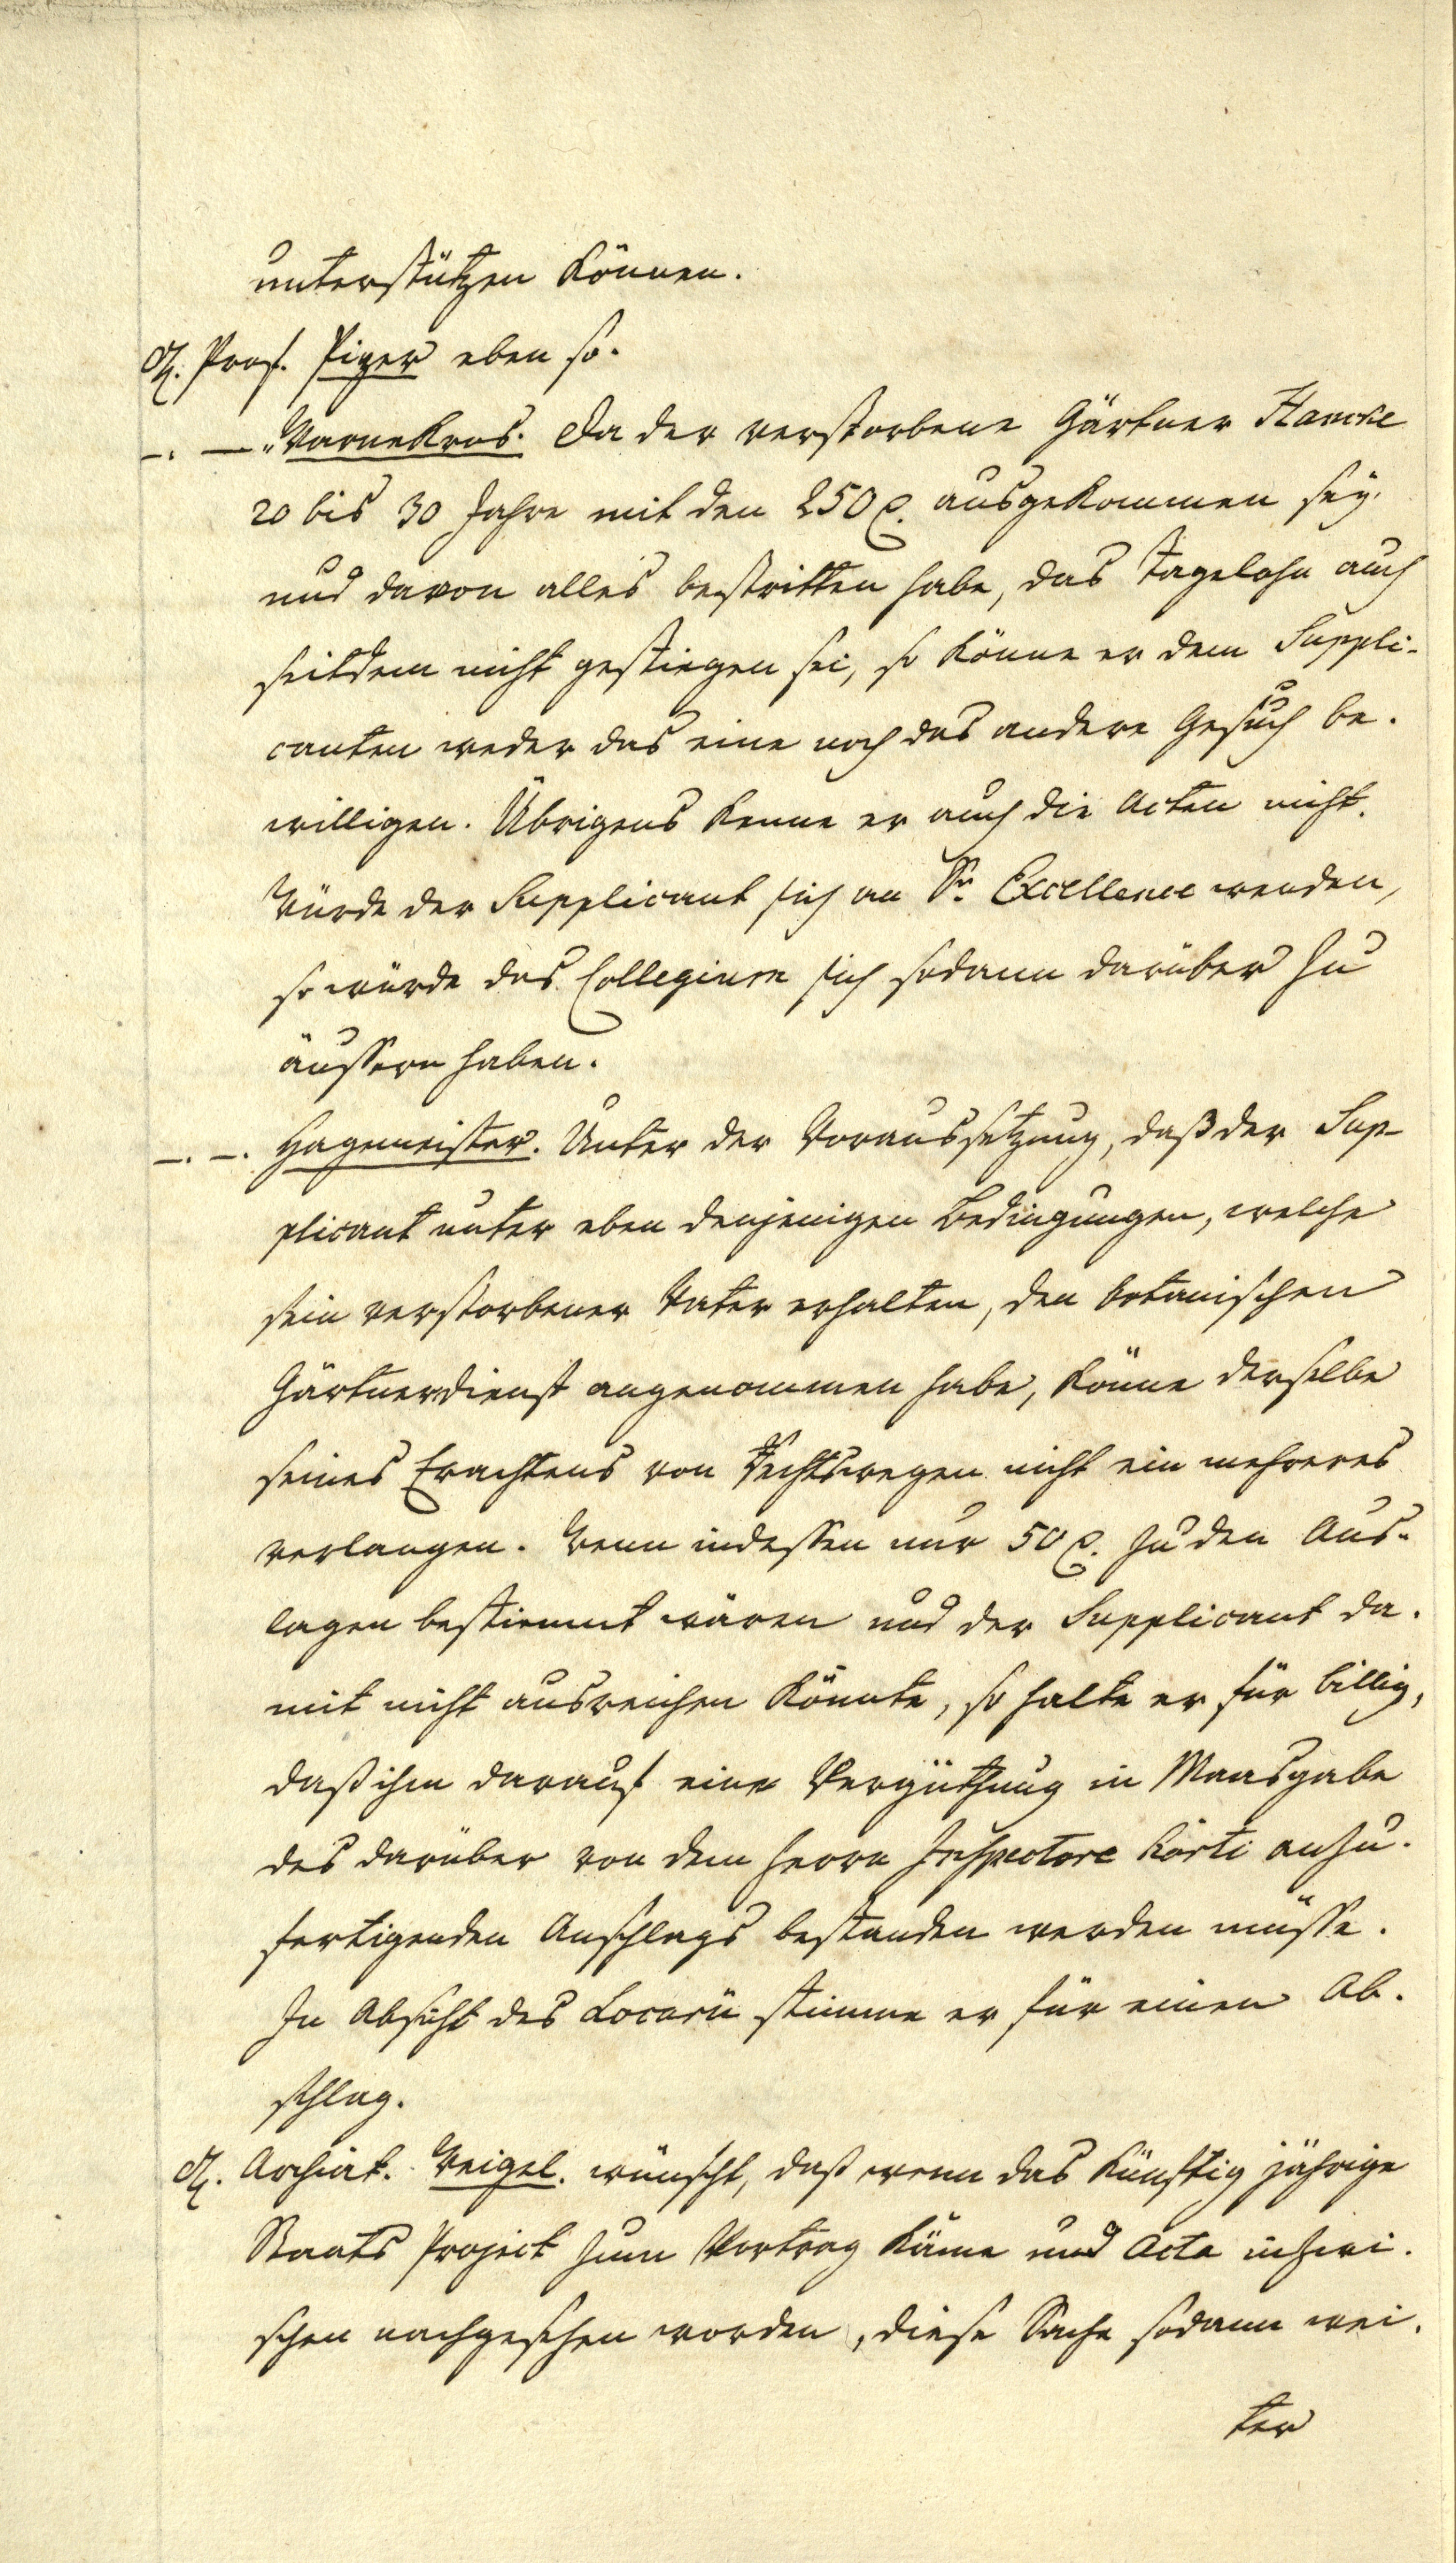unterstützen können.
dh. Prof. Piper eben so.
Warnekros. Da der verstorbene Gärtner Hancke
20 bis 30 Jahre mit dem 250 l. ausgekommen seÿ,
und davon alles bestritten habe, das Tagelohn auch
seitdem nicht gestiegen sei, so könne er dem Suppli¬
canten weder das eine noch das andere Gesuch be¬
willigen. Übrigens kenne er auch die Acten nicht.
Würde der Supplicant sich an Sr. Excellence wenden,
so würde das Collegium sich sodann darüber zu
äussern haben.
Hagemeister. Unter der Voraussetzung, daß der Sup¬
plicant unter eben denjenigen Bedingungen, welche
sein verstorbener Vater erhalten, den botanischen
Gärtnerdienst angenommen habe, könne derselbe
seines Erachtens von Rechtswegen nicht ein mehreres
verlangen. Wenn indessen nur 50 l. zu den Aus¬
lagen bestimmt wären und der Supplicant da¬
mit nicht ausreichen könnte, so halte er für billig,
daß ihm darauf eine Vergüthung in Maasgabe
des darüber von dem Herrn Insprectore horti anzu¬
fertigenden Anschlags bestanden werden müsse.
In Absicht des Locarii stimme er für einen Ab¬
schlag.
dh. Archiat. Weigel. wünscht, daß wenn das künftig jährige
Staats Project zum Vortrag käme und Acta inzwi¬
schen nachgesehen worden, diese Sache sodann wei¬
ter